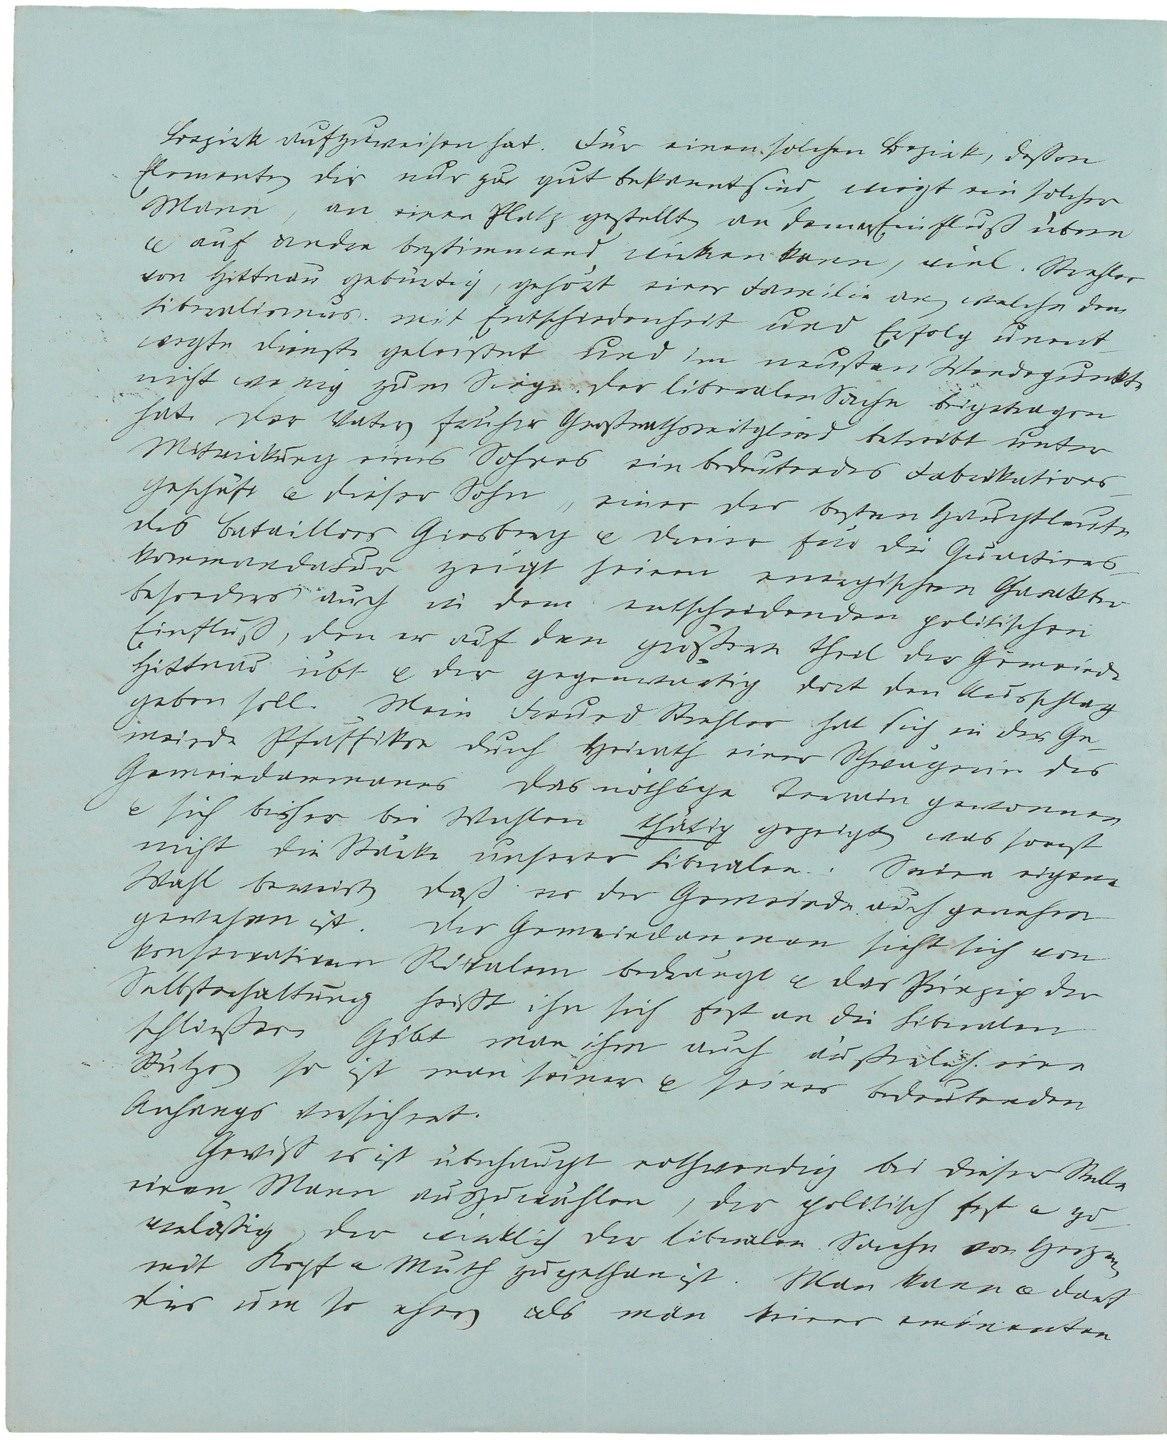Bezirk aufzuweisen hat. Für einen solchen Bezirk, deßen
Elemente dir nur zu gut bekannt sind, wiegt ein solcher
Mann, an einen Platz gestellt, an dem er Einfluß üben
& auf andere bestimmend wirken kann, viel. Strehler
von Hittnau gebürtig, gehört einer Familie an, welche dem
Liberalismus mit Entschiedenheit und Erfolg unent-
wegte Dienste geleistet und im neusten Wendepunkte
nicht wenig zum Siege der liberalen Sache beigetragen
hat. Der Vater, früher Großrathsmitglied betreibt unter
Mitwirkung eines Sohnes ein bedeutendes Fabrikations-
geschäft & dieser Sohn «einer der besten Hauptleute
des Bataillons Ginsberg» & dreier für die Quartires -
kommandatur zeigt seinen energischen Charakter
besonders auch in dem entscheidenden politischen
Einfluß, den er auf den größere Theil der Gemeinde
Hittnau übt & der gegenwärtig dort den Ausschlag
geben soll. Mein Freund Strehler hat sich in der Ge-
meinde Pfäffikon durch Heirath einer Schwägerin des
Gemeindammanns
das nöthige Terrain gewonnen
& sich bisher bei Wahlen thätig gezeigt, was sonst
nicht die Stärke unserer Liberalen. Seine eigene
Wahl beweist daß er der Gemeinde auch genehm
gewesen ist. Der Gemeindamman sieht sich von
konservativen Rivalen bedrängt & das Prinzip der
Selbsterhaltung heißt ihn sich fest an die Liberalen
schließen.
Gibt man ihm auch äußerlich eine
Stütze, so ist man seiner & seines bedeutenden
Anhangs versichert.
Gewiß es ist überüberhaupt nothwendig bei dieser Stelle
einen Mann auszuwählen, der politisch fest & zu-
verläßig, der wirklich der liberalen Sache von Herzen,
mit Kraft & Muth zugethan ist. Man kann & darf
dies um so eher, als man keiner eminenten